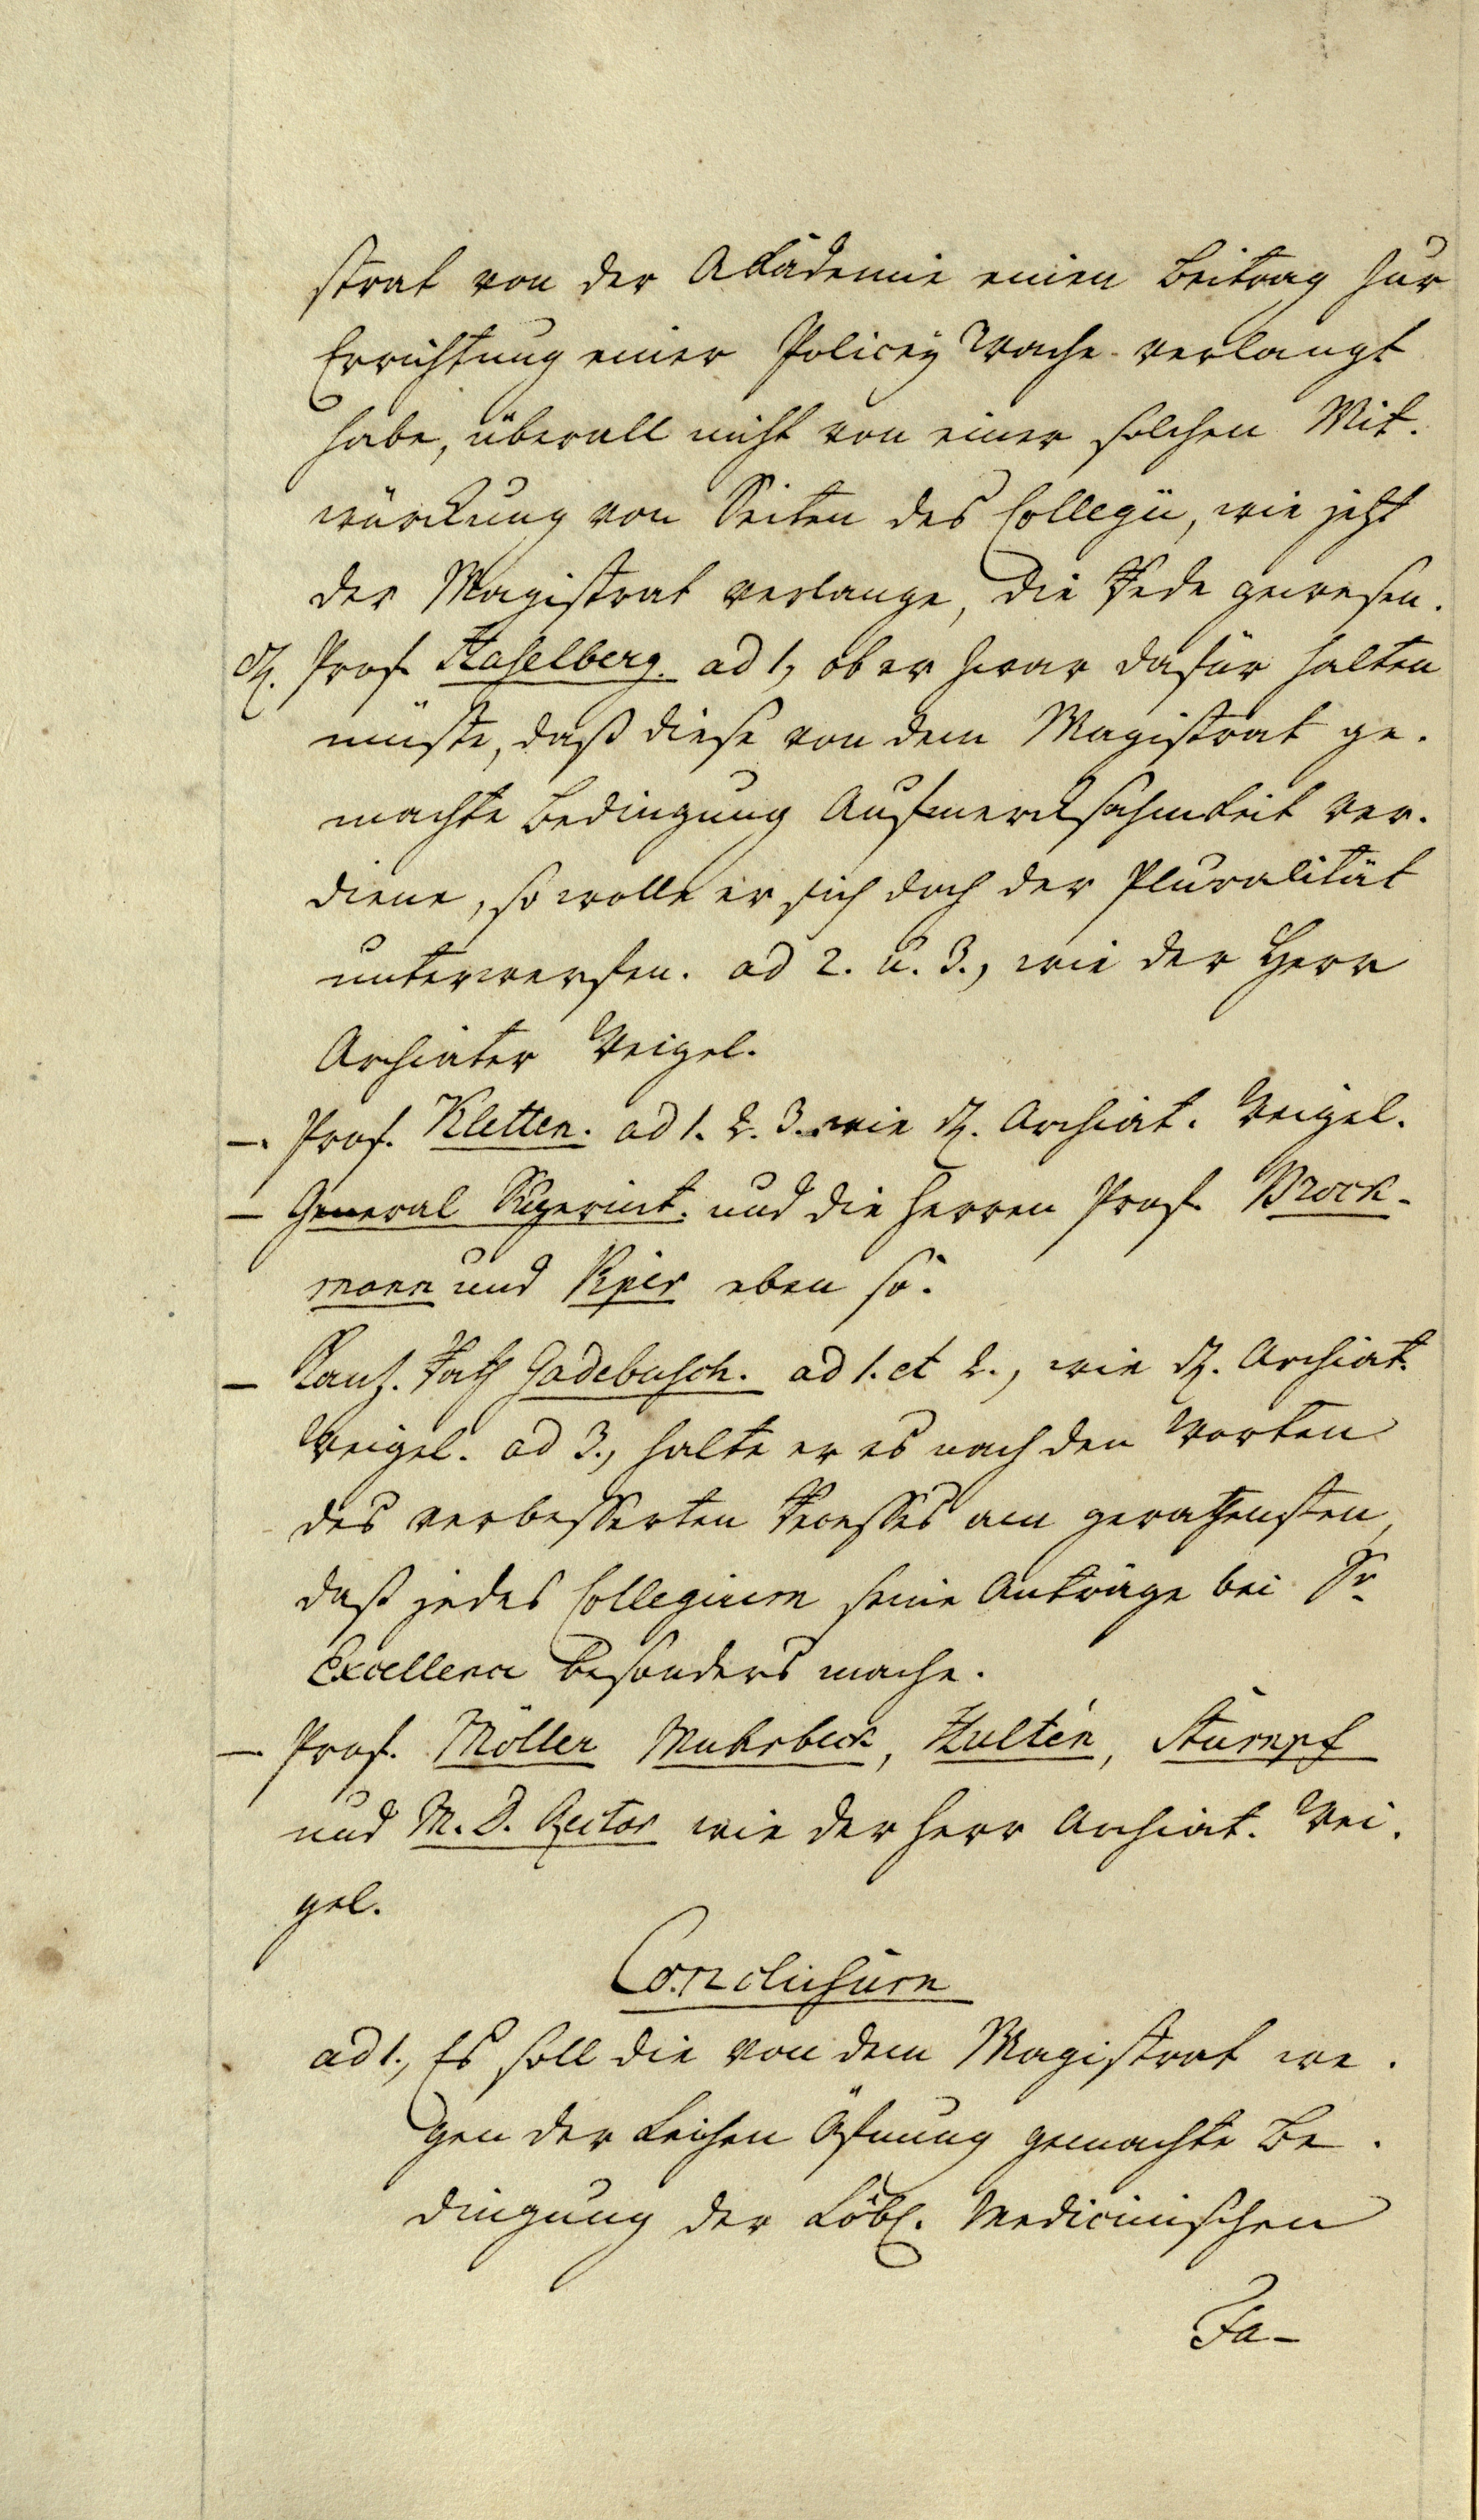strat von der Akademie einen Beitrag zur
Errichtung einer Policeÿ Wache verlangt
habe, überall nicht von einer solchen Mit¬
würckung von Seiten des Collegii, wie jetzt
der Magistrat verlange, die Rede gewesen.
dh. Prof. Haselberg ad 1., ob er zwar dafür halten
müßte, daß diese von dem Magistrat ge¬
machte Bedingung Aufmercksahmkeit ver¬
diene, so wolle er sich doch der Pluralität
unterwerfen. ad 2. u. 3., wie der Herr
Archiater Weigel.
Prof. Kletten. ad 1. 2. 3. wie dh. Archiat. Weigel.
General Superint. und die Herren Prof. Brock¬
mann und Piper eben so.
Kanz. Rath Gadebusch. ad 1. et 2., wie dh. Archiat.
Weigel. ad 3., halte er es nach den Worten
des verbesserten Recesses am gerathensten
daß jedes Collegium seine Anträge bei Sr
Excellence besonders mache.
Prof. Möller Muhrbeck, Hultén, Stumpf
und M. D. Rector wie der Herr Archiat. Wei¬
gel.
Conclusum
ad 1, Es soll die von dem Magistrat we¬
gen der Leichen Öfnung gemachte Be¬
dingung der Löbl. Medicinischen
Fa¬